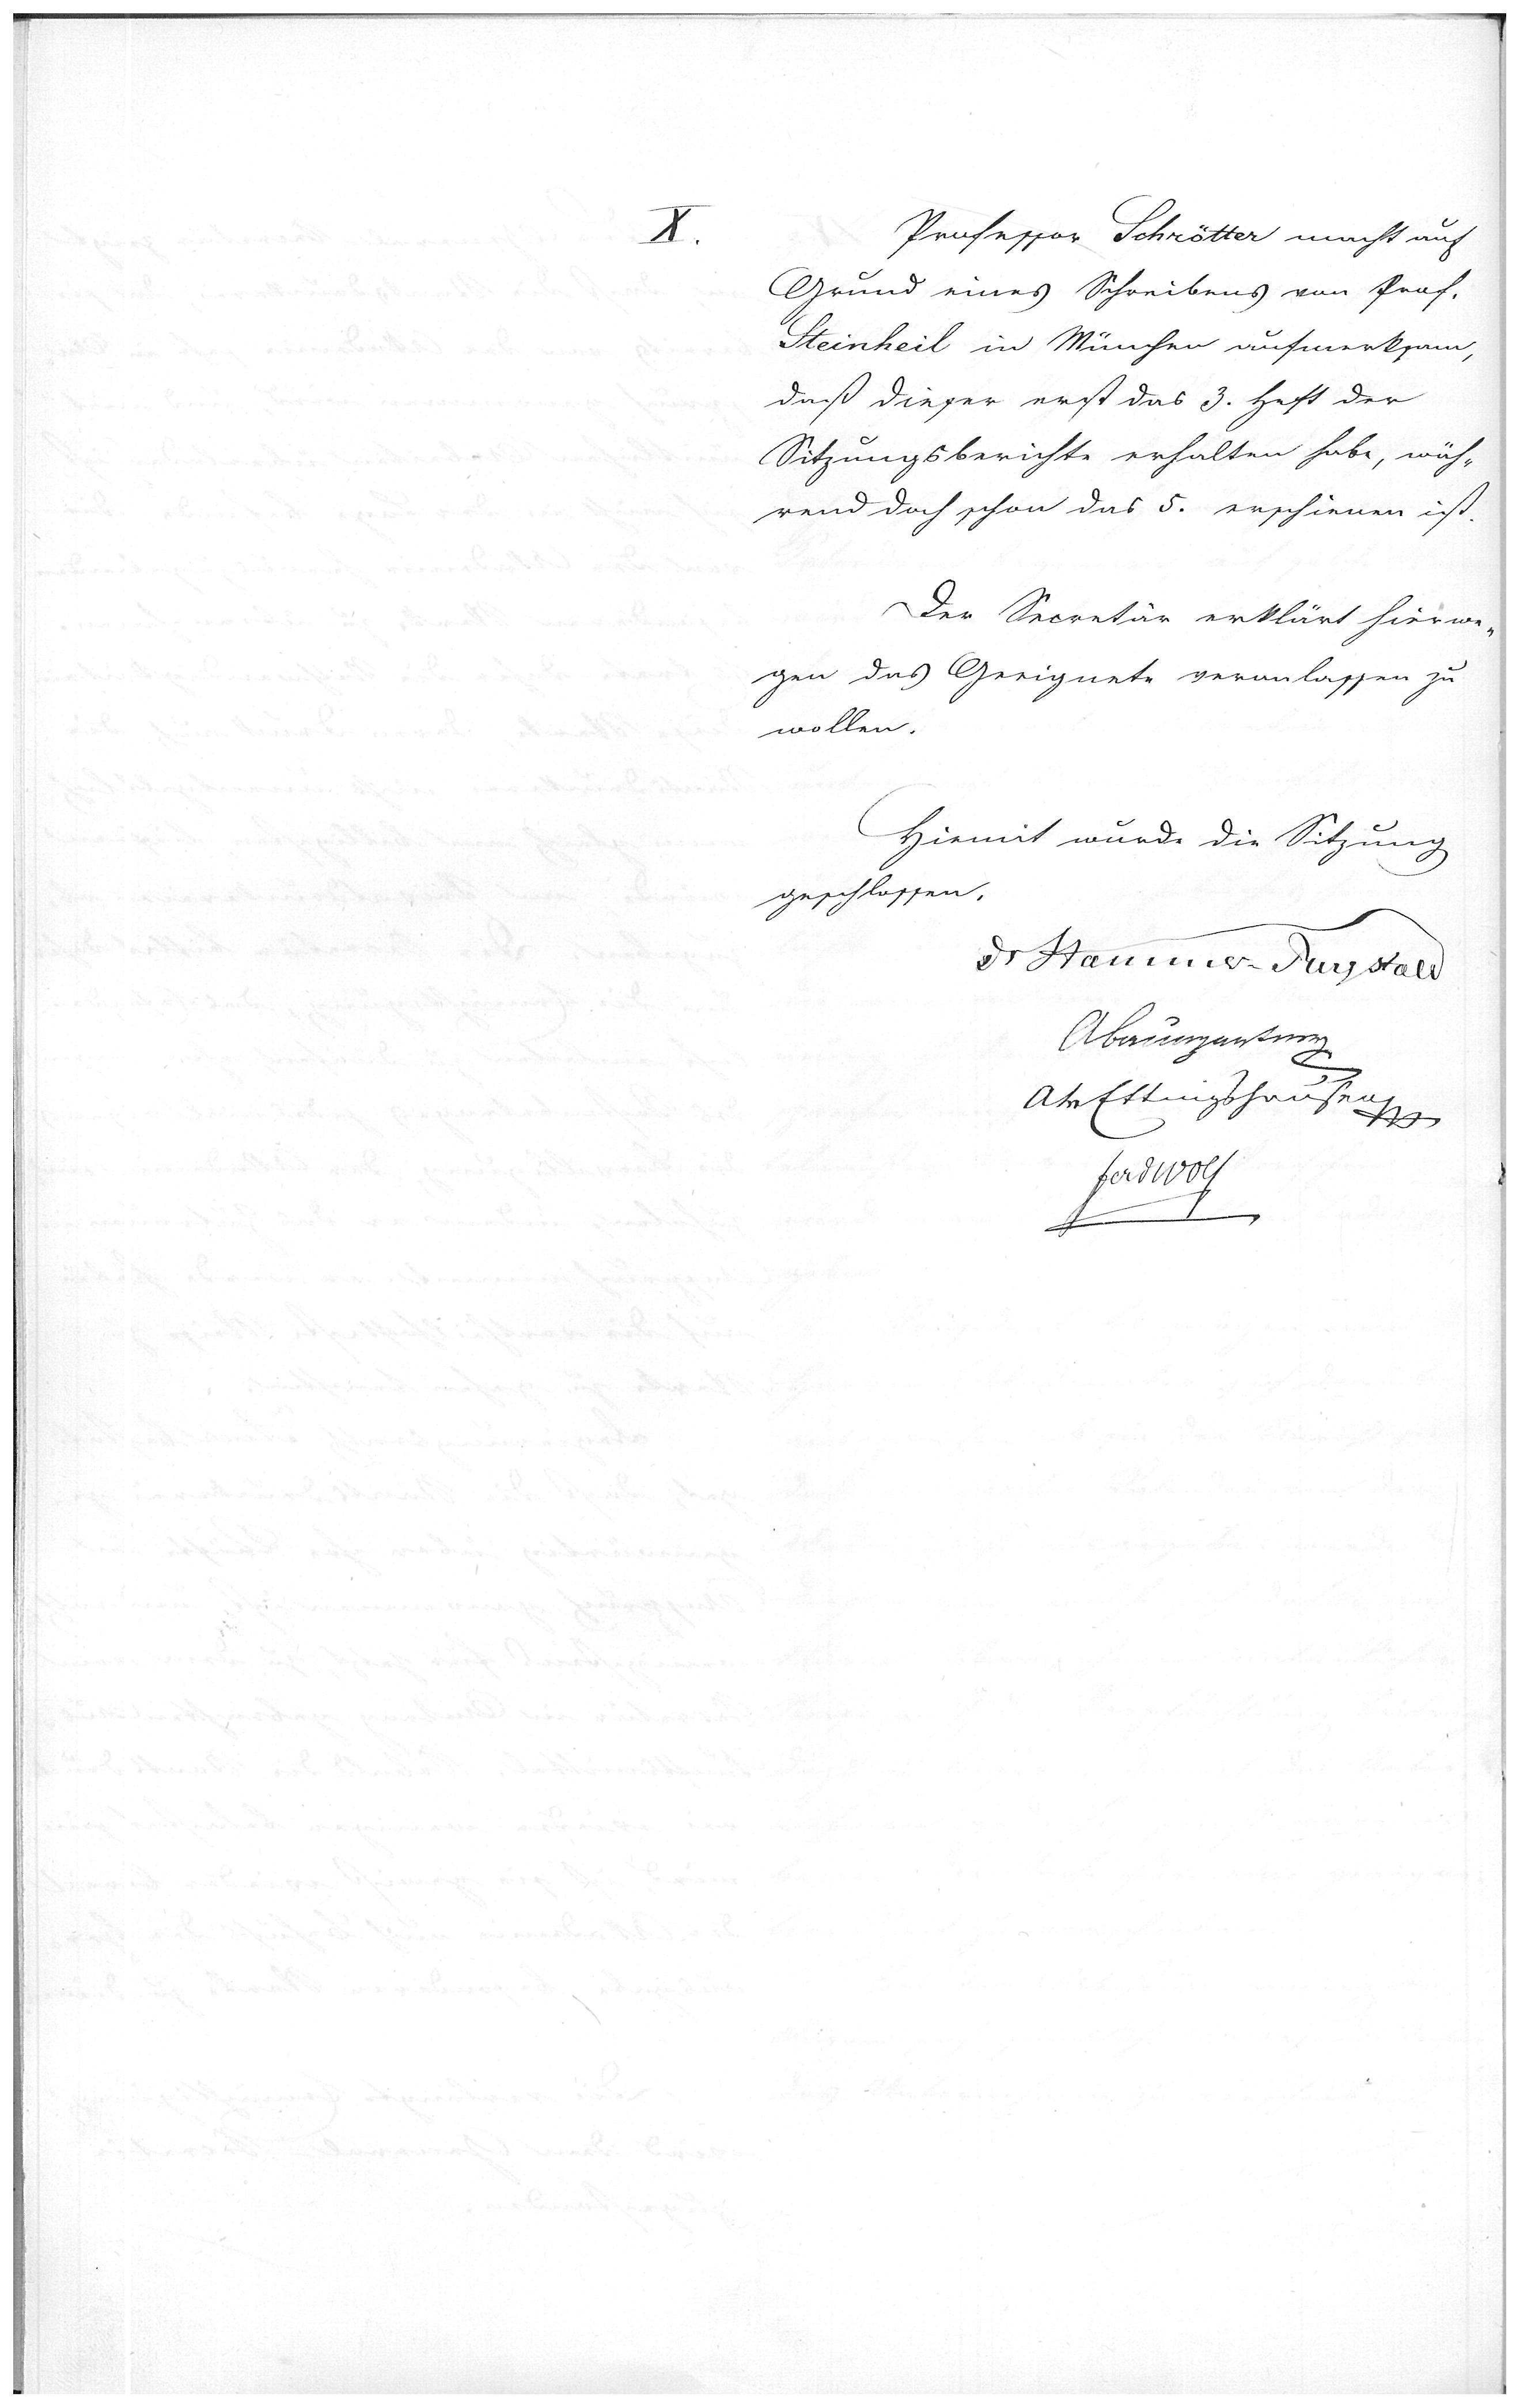Professor Schrötter macht auf
Grund eines Schreibens von Prof.
Steinheil in München aufmerksam,
daß dieser erst das 3. Heft der
Sitzungsberichte erhalten habe, wäh-
rend doch schon das 5. erschienen ist.
X.
Der Secretär erklärt hierwe-
gen das Geeignete veranlassen zu
wollen.
Hiemit wurde die Sitzung
geschlossen.
DrHammer-Purgstall
ABaumgartner
AvEttingshausen
FerdWolf